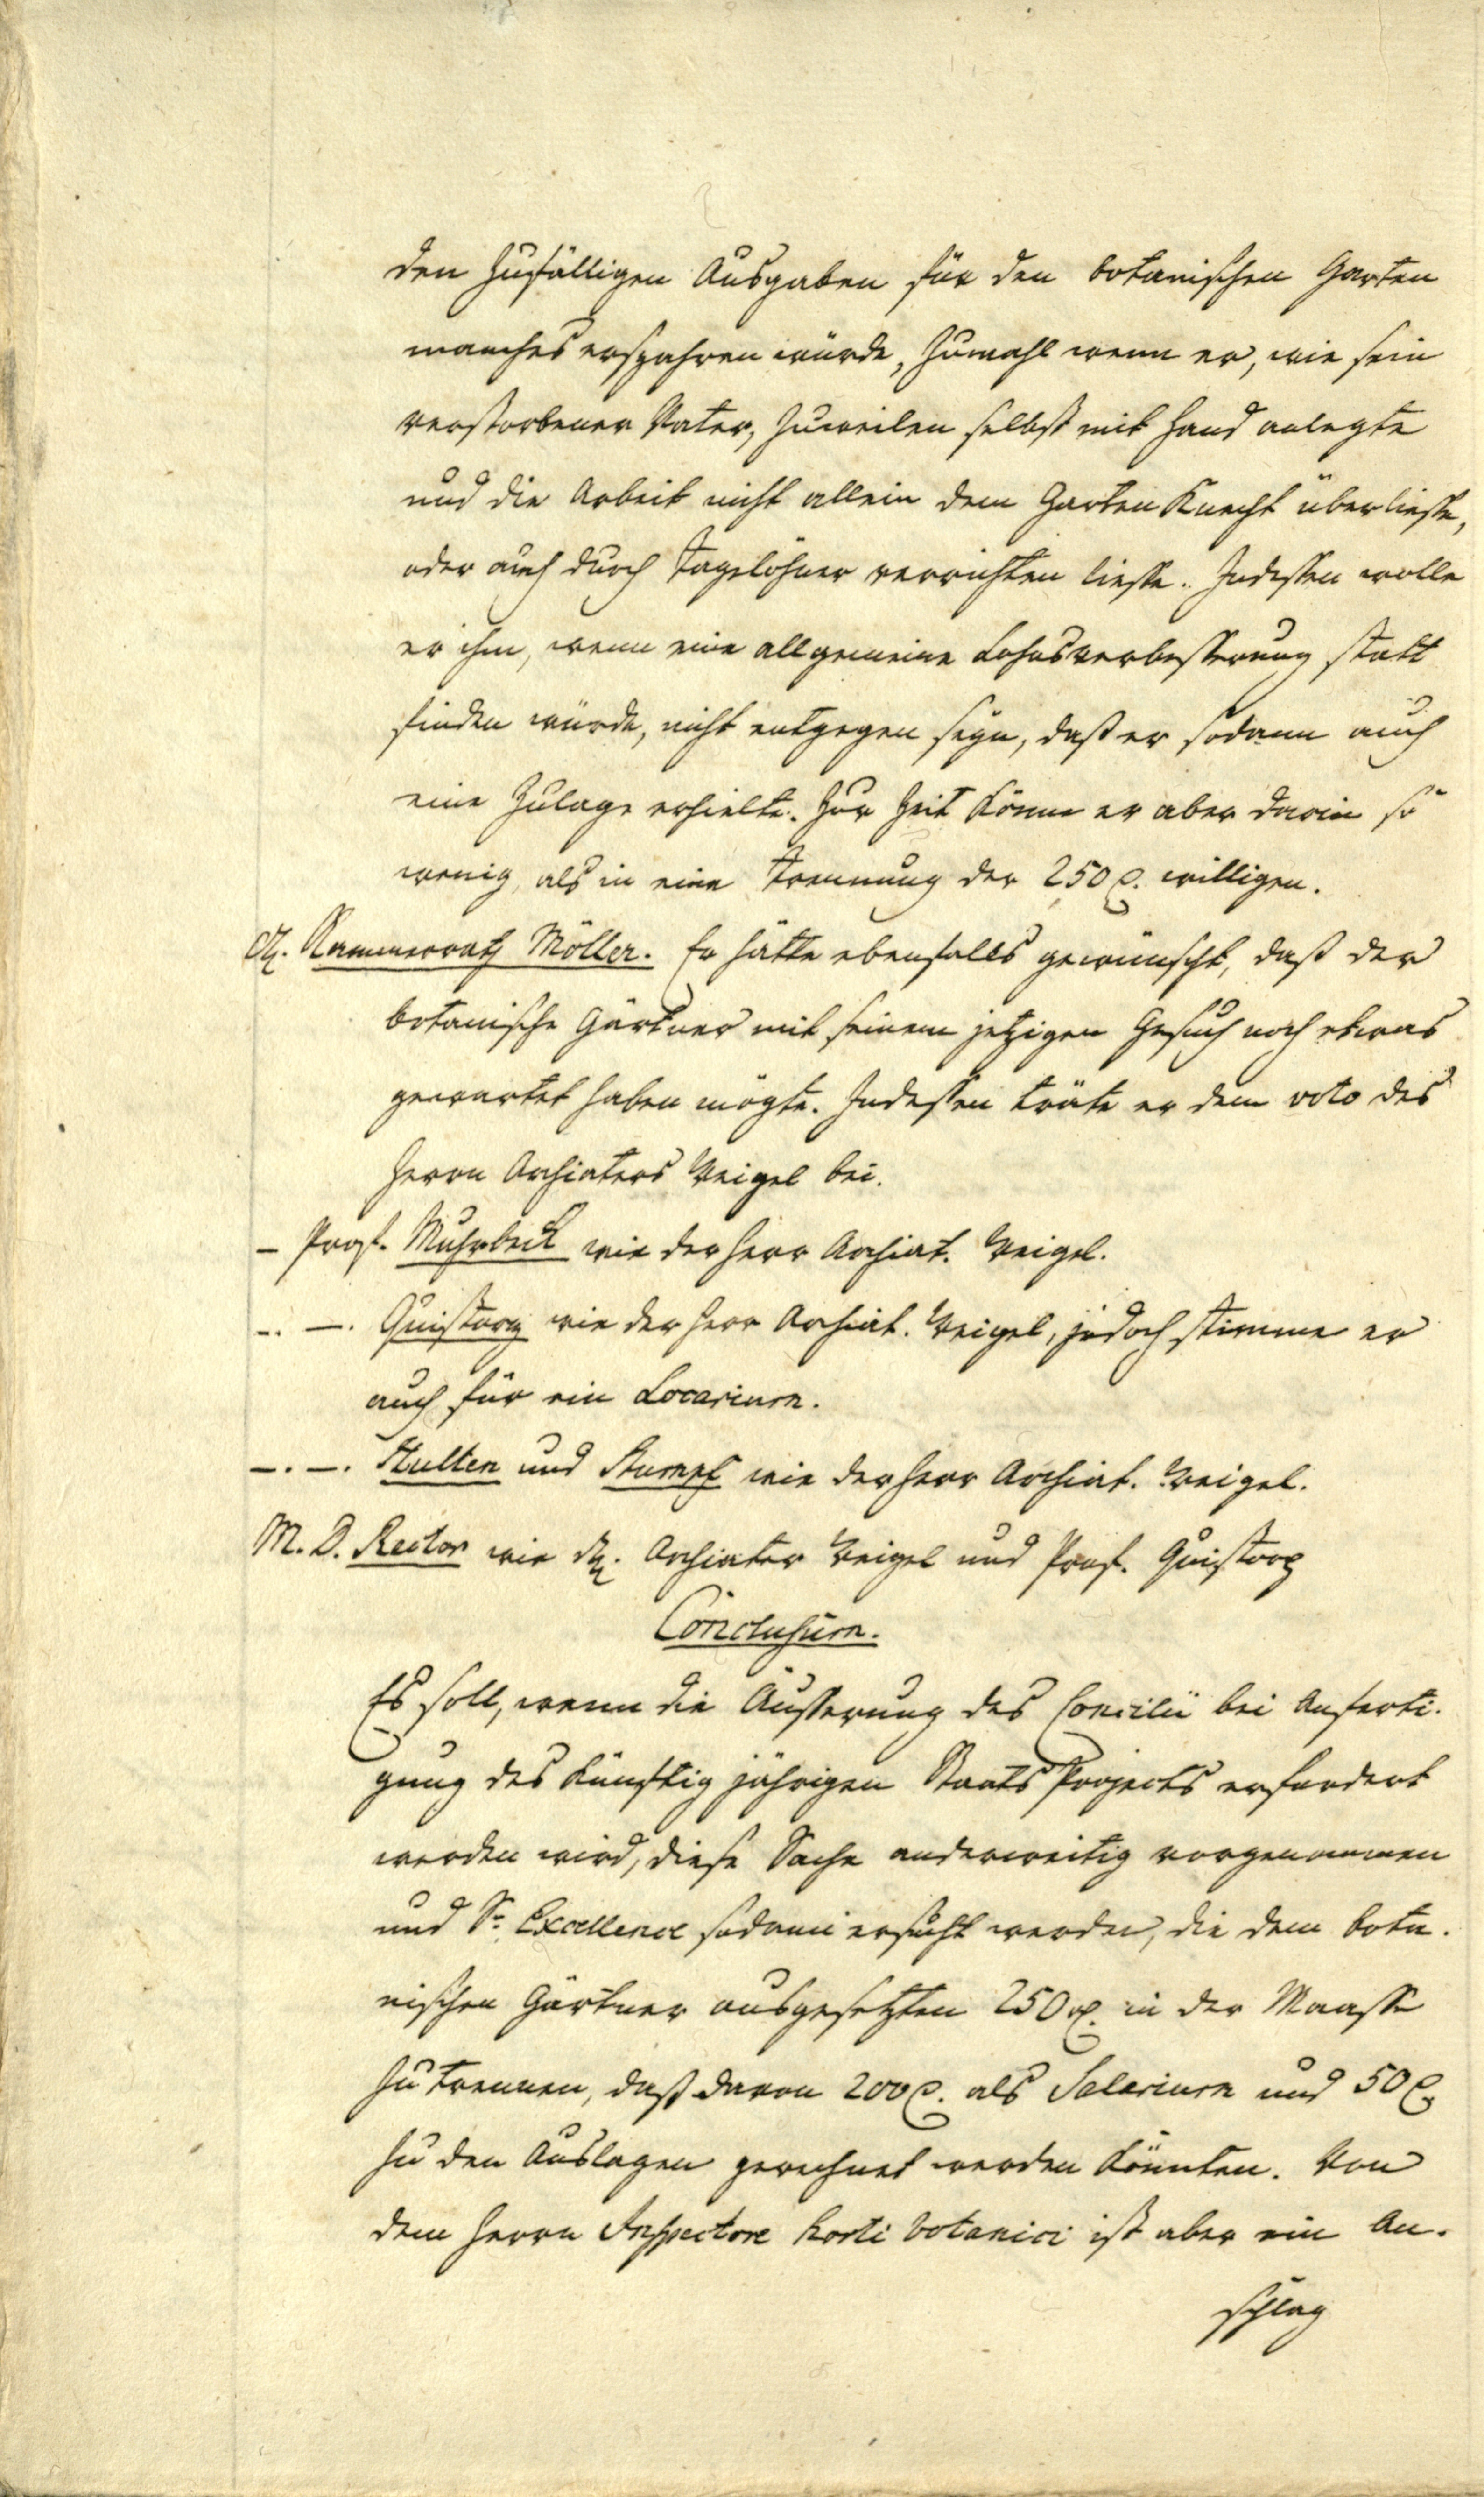den zufälligen Ausgaben für den botanischen Garten
manches erspahren würde, zumahl wenn er, wie sein
verstorbener Vater, zuweilen selbst mit Hand anlegte
und die Arbeit nicht allein dem Gartenknecht überliesse,
oder auch durch Tagelöhner verrichten liesse. Indessen wolle
er ihm, wenn eine allgemeine Lohnsverbesserung statt
finden würde, nicht entgegen seÿn, daß er sodann auch
eine Zulage erhielte. Zur Zeit könne er aber darin so
wenig als in eine Trennung der 250 l. willigen.
dh. Kammerrath Möller. Er hätte ebenfalls gewünscht, daß der
botanische Gärtner mit seinem jetzigen Gesuch noch etwas
gewartet haben mögte. Indessen träte er dem voto des
Herrn Archiaters Weigel bei.
Prof. Muhrbeck wie der Herr Archiat. Weigel.
Quistorp wie der Herr Archiat. Weigel, jedoch stimme er
auch für ein Locarium.
Hultén und Stumpf wie der Herr Archiat. Weigel.
M. D. Rector wie dh. Archiater Weigel und Prof. Quistorp
Conclusum.
Es soll, wenn die Äusserung des Concilii bei Anferti¬
gung des künftig jährigen Staats projects erfordert
werden wird, diese Sache anderweitig vorgenommen
und Sr Excellence sodann ersucht werden, die dem bota¬
nischen Gärtner ausgesetzten 250 l. in der Maasse
zu trennen, daß davon 200 l. als Salarium und 50 l.
zu den Auslagen gerechnet werden könnten. Von
dem Herrn Inspectore horti botanici ist aber ein An¬
schlag